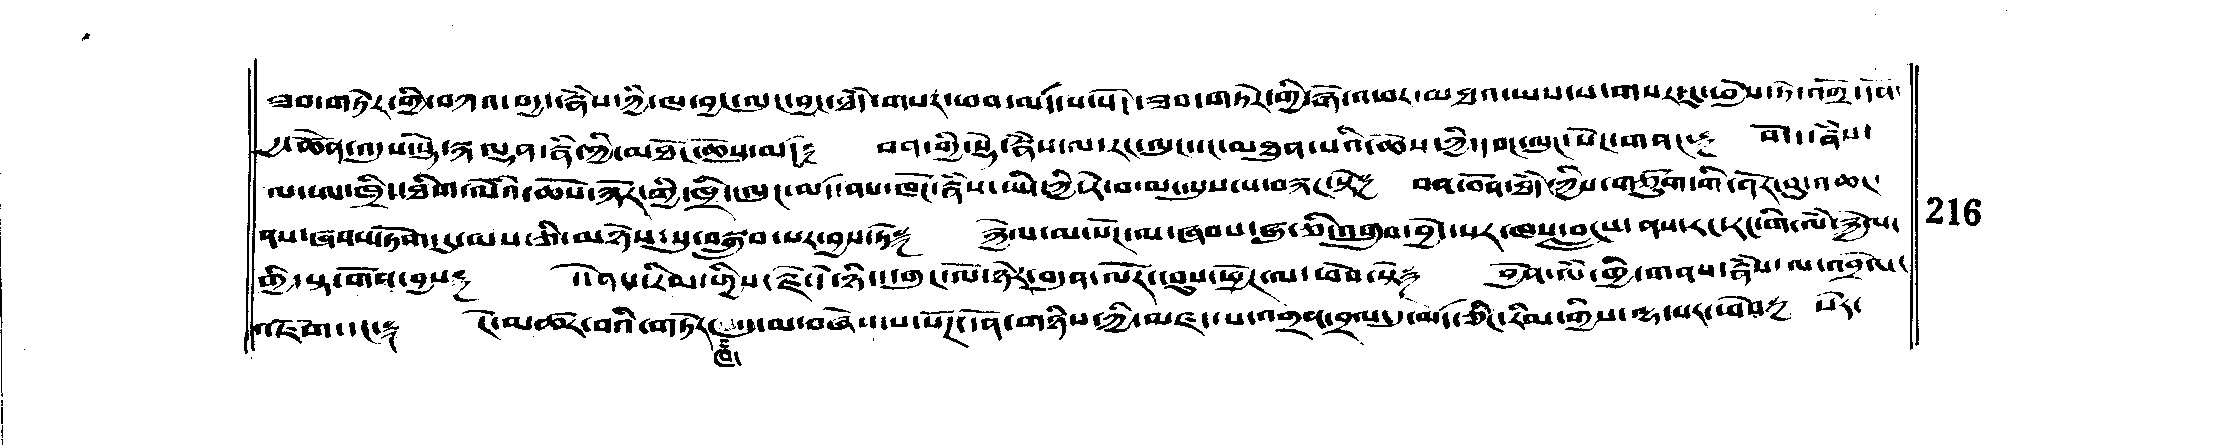ཟབ་གཏེར་གྱི་བཀའ་བརྒྱ་རྣམས་ཀྱི་ཁ་བྱང་ལུང་བྱང་ཐམས་ཅད་གསར་ཕབ་མཛད་པ་སོགས་ཟབ་གཏེར་གྱི་སྒོ་འཕར་མཐའ་ཡས་པ་གསར་དུ་ཕྱེས་ཏེ་འགྲོ་དོན་
རྒྱ་ཆེན་པོ་འདུས་སྡེ་སྐལ་ལྡན་རྣམས་ཀྱི་མཐོང་ཆོས་སུ་མཛད། བན་གྱི་སྡེ་རྣམས་ལ་རང་ལུགས་དང་མཐུན་པའི་ཆོས་ཀྱི་དབང་ལུང་སོགས་གནང་། བོན་རྣམས་
ལ་ཨ་ཁྲིད་ཐིག་ལེའི་ཆོས་སྐོར་གྱི་ཁྲིད་ལུང་མཛད་ནས་ཁོང་རྣམས་ཡིད་ཀྱི་རེ་བ་མ་ལུས་པ་བསྐང་སྟེ། བན་བོན་ཐམས་ཅད་ཀྱི་གཙུག་གི་ནོར་བུ་འཆང་
ནས་ཞབས་ཏོག་དུ་མ་ཅི་མཉེས་སུ་བསྒྲུབ་པར་བྱས་ཏེ། སྐྱེལ་མ་སོགས་ལ་ཞབས་ཞུ་ཅི་འགྲུབ་བྱེད་པར་ཁས་བླངས་ནས་རང་རང་གིས་ལམ་སྐྱེལ་
གྱི་སྟ་གོན་བྱས། དེ་ནས་རིམ་གྱིས་རྗེ་དེ་ཉིད་དགུང་ལོ་ཉེར་བདུན་ལོར་དབུས་ཕྱོགས་ལ་ཕེབས་ཏེ། བྱོན་ལམ་གྱི་གནས་རྣམས་ལ་འབྲེལ་
འཇོག་དང་། ངོ་མཚར་བའི་གཏེར་ཁ་དུ་མ་བཞེས་པ་སོགས་དོན་གཉིས་ཀྱི་མཛད་པ་འགྲན་བྲལ་དུ་མཛད་ཅིང་རིམ་གྱིས་ལྷ་སར་ཕེབས།སེར་